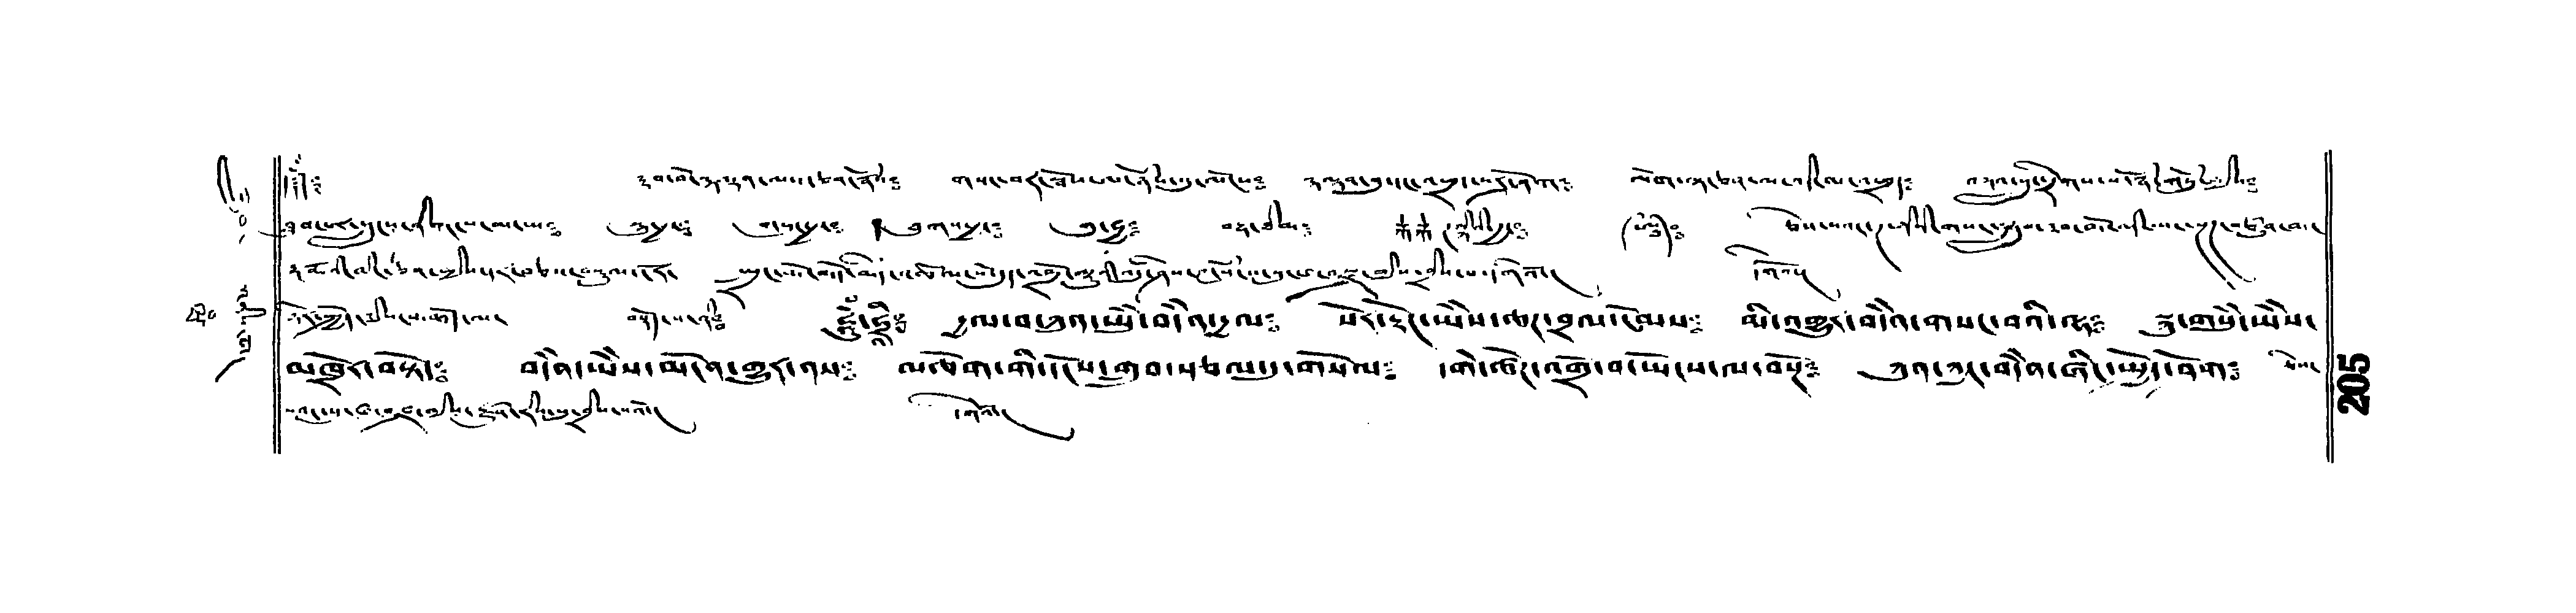ཟབ་མོ་སྐལ་ལྡན་ལས་ཅན་རྣམས༔ གསང་བར་སྦོས་ལ་ཉམས་སུ་ལོངས༔ སྐལ་ལྡན་བུ་དང་འཕྲད་པར་ཤོག༔ ལོག་ལྟ་ཅན་ལ་འདི་མ་འཕྲད༔ བཀའ་སྲུང་དྲེགས་པ་རྣམ་གསུམ་གྱིས༔ 
ཐུབ་པར་སྲུངས་ཤིག་ས་མ་ཡ༔ སྐུ་རྒྱ༔ གསུང་རྒྱ༔ ཐུགས་རྒྱ༔ གུ་ཧྱ༔ བརྡ་ཐིམ༔ ཌཱཀྐིའི་རྒྱ༔ ༔ ཅེས་པའང་ཌཱ་ཀིའི་གསང་སྒྲུབ་ཟབ་མོ་འདི་ཡང་སྔགས་བཙུན་མ་
ཀརྨའི་མིང་ཅན་གྱིས་དར་བཅས་བསྐུལ་ངོར། སྤྲང་མོ་འདོ་མེད་འཆོལ་པོ་དུད་འགྲོ་ལྟ་བུའི་འདུ་ཤེས་གསུམ་པ་སུ་ཁ་བཛྲ་གྱིས་བྲིས་པ་དགེའོ།། དགེའོ།། 
ཉེར་སྤྱོད་ཀྱིས་མཆོད་ལ༔ བསྟོད་པ་ནི༔ ཧཱུྃ་ཧྲཱིཿ རྒྱལ་བ་ཀུན་ཡུམ་བདེ་ཆེན་རྒྱལ༔ སོར་རྟོགས་ཡེ་ཤེས་ཆགས་བྲལ་ངོམ༔ མི་འགྱུར་བདེ་ཆེན་གསང་བའི་ལྷ༔ སྐུ་གསུམ་ཡེ་ཤེས་
མཁའ་འགྲོར་བསྟོད༔ བདེ་ཆེན་ཡེ་ཤེས་མངོན་གྱུར་ནས༔ མཆོག་གི་དངོས་གྲུབ་བསྩལ་དུ་གསོལ༔ དགེ་ཚོགས་འགྲོ་བ་ཡོངས་ལ་བསྔོ༔ ཀུན་ཀྱང་བདེ་ཆེན་ཞིང་སྤྱོད་ཤོག༔ ཅེས་
པའང་སུ་ཁ་བཛྲ་གྱིས་རྫུན་རིས་སུ་བྲིས་པའོ།། དགེའོ།།